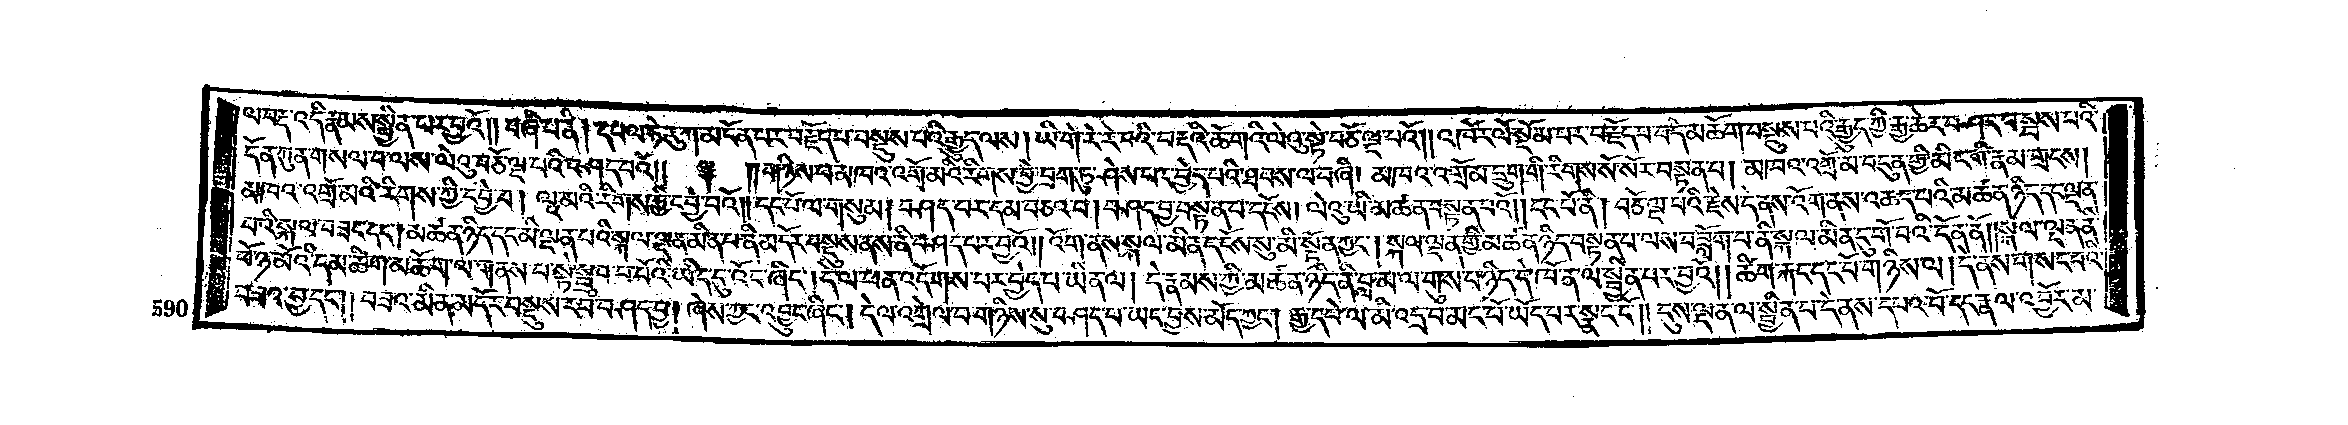ལ་བརྡ་འདི་རྣམས་སྦྱིན་པར་བྱའོ། །བཞི་པ་ནི། དཔལ་ཧེ་རུ་ཀ་མངོན་པར་བརྗོད་པ་བསྡུས་པའི་རྒྱུད་ལས། ཡི་གེ་རེ་རེ་བའི་བརྡའི་ཆོ་གའི་ལེའུ་སྟེ་བཅོ་ལྔ་པའོ། །འཁོར་ལོ་སྡོམ་པར་བརྗོད་པ་བདེ་མཆོག་བསྡུས་པའི་རྒྱུད་ཀྱི་རྒྱ་ཆེར་བཤད་པ་སྦས་པའི་
དོན་ཀུན་གསལ་བ་ལས་ལེའུ་བཅོ་ལྔ་པའི་བཤད་པའོ།། ༈ །།གཉིས་པ་མཁའ་འགྲོ་མའི་རིགས་བྱེ་བྲག་ཏུ་ཤེས་པར་བྱེད་པའི་ཐབས་ལ་བཞི། མཁའ་འགྲོ་མ་དྲུག་གི་རིགས་སོ་སོར་བསྟན་པ། མཁའ་འགྲོ་མ་བདུན་གྱི་མིང་གི་རྣམ་གྲངས།
མཁའ་འགྲོ་མའི་རིགས་ཀྱི་དབྱེ་བ། ལཱ་མའི་རིགས་ཀྱི་དབྱེ་བའོ། །དང་པོ་ལ་གསུམ། བཤད་པར་དམ་བཅའ་བ། བཤད་བྱ་བསྟན་པ་དངོས། ལེའུ་ཡི་མཚན་བསྟན་པའོ། །དང་པོ་ནི། བཅོ་ལྔ་པའི་རྗེས་དེ་ནས་འོག་ནས་འཆད་པའི་མཚན་ཉིད་དང་ལྡན་
པའི་སྐལ་བཟང་དང་། མཚན་ཉིད་དང་མི་ལྡན་པའི་སྐལ་ལྡན་མིན་པ་ནི་མདོར་བསྡུས་ནས་ནི་བཤད་པར་བྱའོ། །འོག་ནས་སྐལ་མིན་དངོས་སུ་མི་སྟོན་ཀྱང་། སྐལ་ལྡན་གྱི་མཚན་ཉིད་བསྟན་པ་ལས་བཟློག་པ་ནི་སྐལ་མིན་དུ་གོ་བའི་དོན་ནོ། །སྐལ་ལྡན་ནི་
ཕོ་ཉ་མོའི་དམ་ཚིག་མཆོག་ལ་གནས་པ་སྟེ་སྒྲུབ་པ་པོའི་ཡིད་དུ་འོང་ཞིང་། དེ་ལ་ཕན་འདོགས་པར་བྱེད་པ་ཡིན་ལ། དེ་རྣམས་ཀྱི་མཚན་ཉིད་ནི་བླ་མ་ལ་གུས་པ་ཉིད་དེ་ཁོ་ན་ལ་སྦྱིན་པར་བྱའོ། །ཚིག་རྐང་དང་པོ་གཉིས་ལ། དེ་ནས་གསང་བའི་
བཟའ་བྱ་དང་། བཟའ་མིན་མདོར་བསྡུས་རབ་བཤད་བྱ། ཞེས་ཀྱང་འབྱུང་ཞིང་། དེ་ལ་འགྲེལ་པ་གཉིས་སུ་བཤད་པ་ཡང་བྱས་མོད་ཀྱང་། རྒྱ་དཔེ་ལ་མི་འདྲ་བ་མང་པོ་ཡོད་པར་སྣང་ངོ། །དུས་ལྡན་ལ་སྦྱིན་པ་དེ་ནས་དཔའ་བོ་དང་རྣལ་འབྱོར་མ་